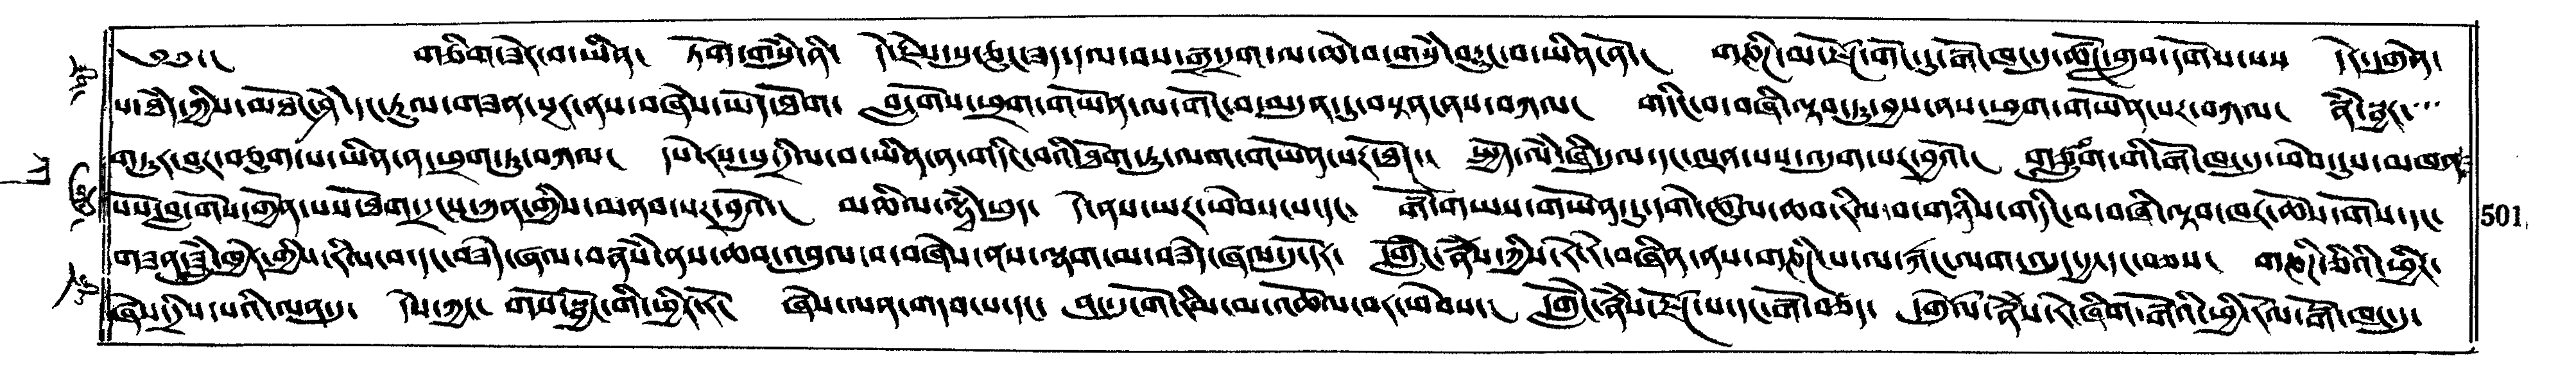གཅིག་ཟེར་བ་ཡིན། ཏོག་གསུམ་ནི། དེ་རྗེས་སུ་ཅུང་ཟད་དལ་བས་སྒྲ་དྲག་ལ་ཆེ་བ་གསུམ་བརྡུང་བ་ཡིན་ནོ།། གཎྜི་མ་རྫོགས་གོང་དུ་སྒོ་ཁང་དུ་ཚོགས་གྲུབ་དགོས་པས། དེར་དགེ་འདུན་
པ་ཐམས་ཅད་ཀྱིས་མཐང་ཤམ་དང་རྔུལ་གཟན་སྔར་ནས་བཞེས་ཡོད་ཐོག བླ་གོས་ཕྲག་གཡོན་ལ་གོང་བ་མདུན་དུ་བསྟན་ནས་བཀལ། གདིང་བ་བཞི་བལྟབ་ཏུ་བྱས་ནས་ཕྱག་གཡོན་པར་བཀལ། སྣམ་སྦྱར་
གཏུར་བུར་བཅུག་པ་ཡིན་ན་ཕྲག་ཏུ་བཀལ། དཔེ་རས་སུ་དྲིལ་བ་ཡིན་ན་གདིང་བའི་ཐོག་ཏུ་ལག་གཡོན་པར་ཐོགས། སྤྱོད་ལམ་ཞི་དུལ་དང་ལྡན་པས་འདུག་པར་བྱའོ།། གཙུག་ལག་གི་སྒོ་ཁང་དུ་ཕེབས་དུས་མཁན་
པོས་བླ་གོས་གྱོན་པས་ཐོག་དྲངས་ཀུན་ཀྱིས་མནབ་པར་བྱའོ།། མཆིལ་ལྷམ་ཕུད། དེ་ནས་ཡར་ཕེབས་པ་དང་། སྒོ་གཡས་གཡོན་དུ་དགེ་ཚུལ་ཆབ་རིལ་བ་གཉིས་གདིང་བ་བཞི་བལྟབས་ཁར་ཆོས་གོས་དང་
གཟན་ཟླུམ་ཁྱེར་གྱིས་རིལ་བ་དང་བཟཻད་ཞལ་བསྣམས་ནས་ཆབ་འབུལ་བ་བཞེས་ནས་ལྷག་མ་བཟེད་ཞལ་དུ་དོར། དགེ་སློང་རྣམས་ཀྱིས་རེ་རེ་བཞིན་ནས་གཎྜི་པ་ལ་རྐང་ལག་འདུད་རྒྱ་དང་བཅས། གཎྜི་ཅིའི་ཕྱིར་
ཞེས་དྲིས་པའི་ལན་དུ། དེས་ཀྱང་གསོ་སྦྱོང་གི་ཕྱིར་རོ།། ཞེས་ལན་གདབ་པ་དང་། ནང་དུ་གོ་རིམ་མ་འཆོལ་བར་ཕེབས། དགེ་སློང་རྣམས་རྫོགས་པ་དང་སྒོ་བཅད། དགེ་ཚུལ་རྣམས་རེ་ཞིག་སྒོའི་ཕྱི་རོལ་སྒོ་ཁང་དུ་